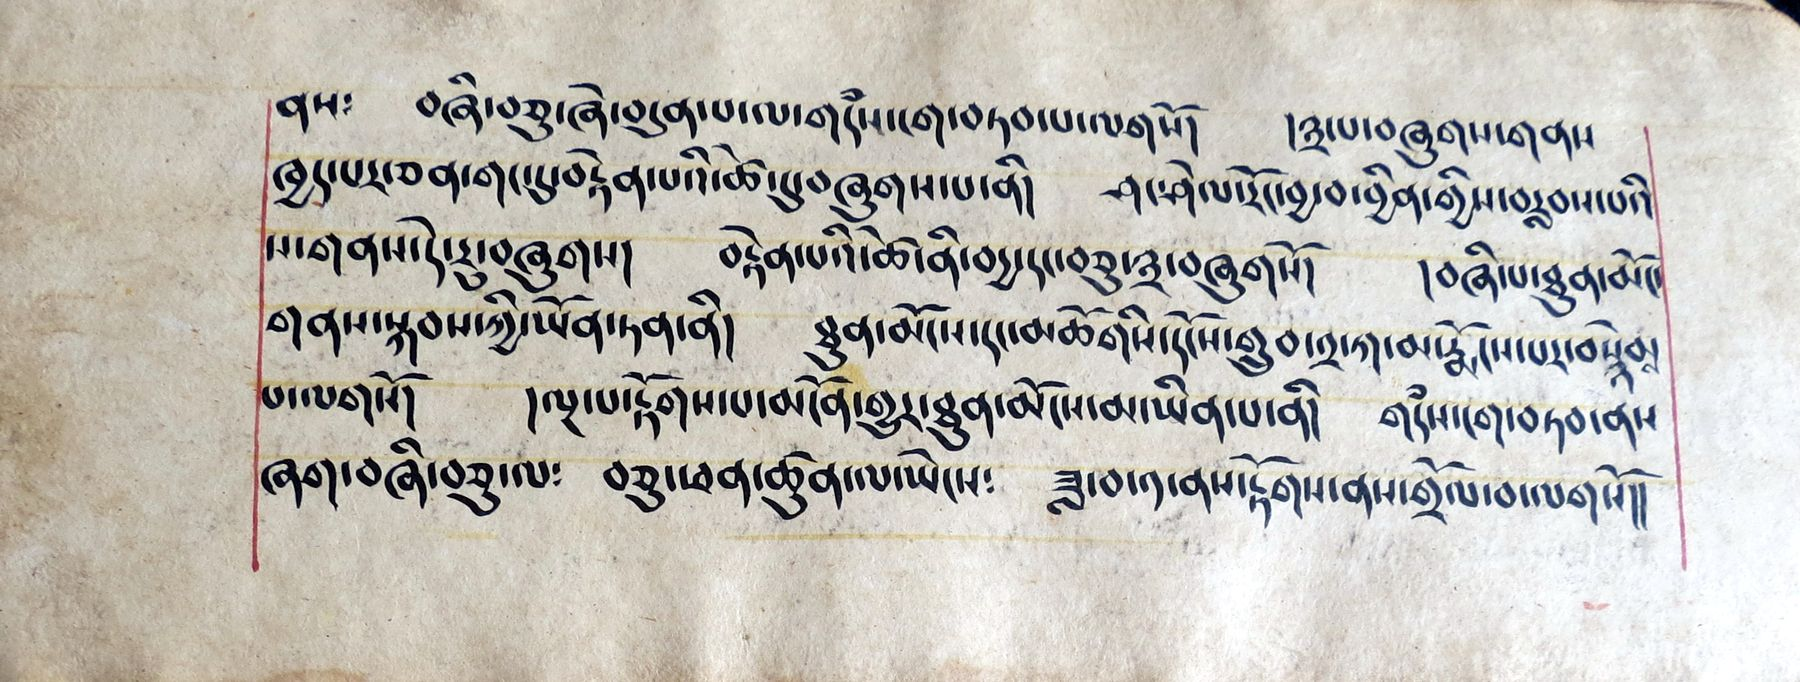ནས། བཞི་བཅུ་ཞེ་བདུན་པ་ལ་གདམས་ངག་བཏབ་པ་ལགས་སོ། །གསུམ་པ་བཞུགས་གནས་
ཁྱད་པར་ཅན་གང་དུ་བརྟེན་པའི་ཚེ་དུ་བཞུགས་པ་ནི། ཤང་ཤེལ་རོང་བྱ་བ་བྱིན་གྱིས་བརླབས་པའི་
ས་གནས་དེ་རུ་བཞུགས། བརྟེན་པའི་ཚེ་ནི་བརྒྱ་དང་བཅུ་གསུམ་བཞུགས་སོ། །བཞི་པ་ཐུན་མོང་
གནས་སྐབས་ཀྱི་ཡོན་ཏན་ནི། ཐུན་མོང་དང་མཆོག་གི་དངོས་གྲུབ་གཉིས་ཀ་ལ་མ་རྨོངས་པར་བསྙེམས་
པ་ལགས་སོ། །ལྔ་པ་རྟོགས་པ་མངོན་གྱུར་ཐུན་མོང་མ་ཡིན་པ་ནི། གདམས་ངག་བཏབ་ནས་
ཞག་བཞི་བཅུ་ལ། བཅུ་ཕན་ཚུན་ལ་ཡེངས། ཟླ་བ་གཅིག་ནས་རྟོགས་ནས་གྲོལ་བ་ལགས་སོ། །